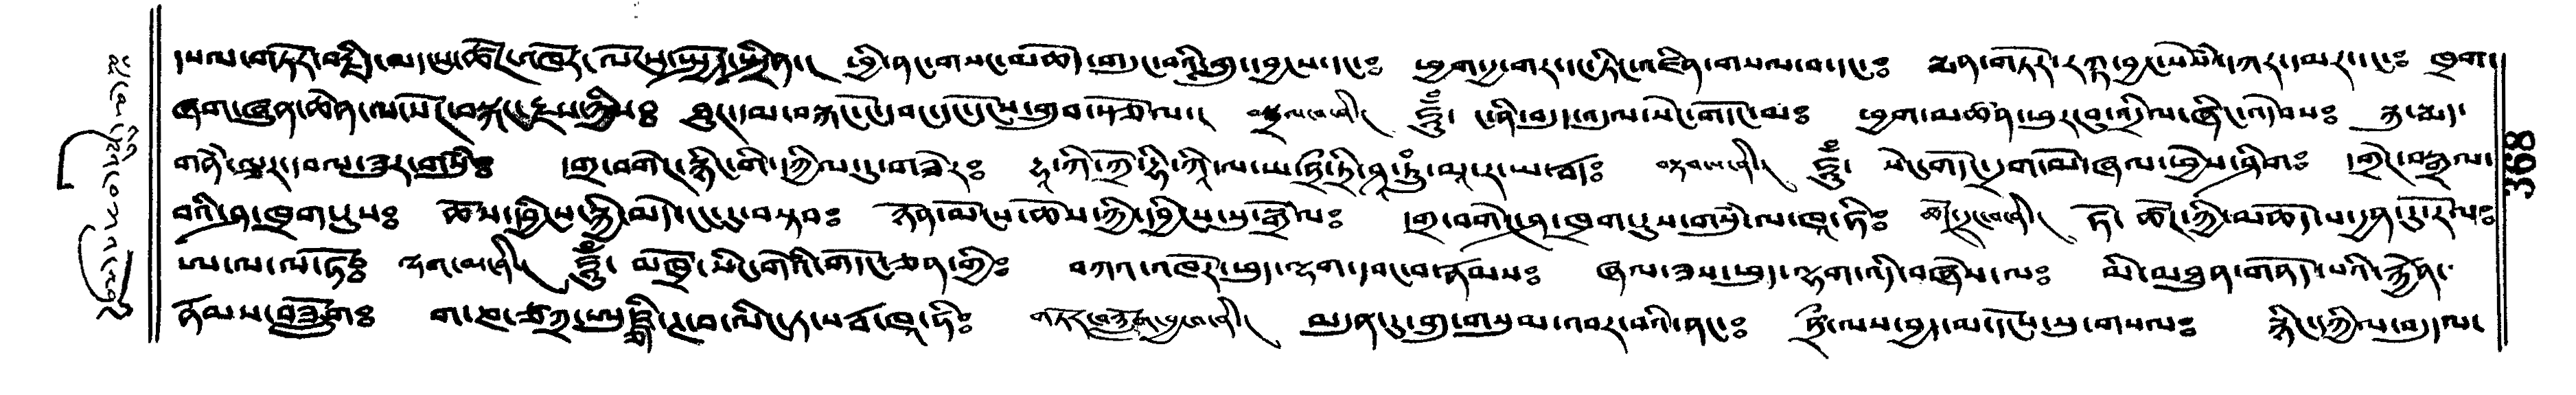དཔལ་གཏོར་བརྗིད་མདངས་ཚོགས་འཁོར་ལོངས་སྤྱོད་སྤྲིན༔ ཕྱི་ནང་གསང་མཆོད་གདུང་བའི་གླུ་དབྱངས་དང༔ཕྱག་རྒྱ་གར་དང་ཏིང་འཛིན་གསལ་བ་དང༔ སྨན་གཏོར་རཀྟ་བྱང་སེམས་དཀར་དམར་དང༔ ཁྲག་
ཞག་ཞུན་ཆེན་ལ་སོགས་བསྐང་རྗས་ཀྱིས༔ ཐུགས་དམ་བསྐང་ངོ་དབང་དང་དངོས་གྲུབ་སྩོལ༔ བསྒྲལ་བ་ནི། ཧཱུྃ༔ ང་ནི་བདུད་འདུལ་སེང་གདོང་མ༔ ཕྱག་མཚན་ཕུར་བུ་འདྲིལ་ཞིང་འདེབས༔ སྐུ་སྨད་
གནམ་ལྕགས་དབལ་ཟུར་གསུམ༔ དགྲ་བགེགས་སྙིང་གི་དཀྱིལ་དུ་གཟེར༔ དྷཱ་ཀི་ཀྲོ་དྷི་ཀཱི་ལ་ཡ་ནྲྀ་ཏྲི་ཤཱ་ཏྲ྄ུཾ་མཱ་ར་ཡ་རྦད༔ བསྟབ་པ་ནི། ཧཱུྃ༔ སེང་གདོང་དྲག་མོ་ཞལ་ཕྱེས་ཤིག༔ དགྲ་བགེགས་བསྒྲལ་
བའི་ཤ་ཁྲག་རུས༔ ཆོས་དབྱིངས་སྐྱེ་མེད་ངང་དུ་བསྟབ༔ ཉོན་མོངས་ཆོས་ཀྱི་དབྱིངས་སུ་སྒྲོལ༔ དགྲ་བགེགས་ཤ་ཁྲག་རུས་གསུམ་ལ་ཁཱ་ཧི༔ ཚོགས་དྲང་བ་ནི། ཧོ༔ ཚོགས་ཀྱི་མཆོད་པ་རྒྱན་དུ་རོལ༔ 
ཨ་ལ་ལ་ཧོ༔ ལྷག་མ་ནི། ཧཱུྃ༔མཁའ་འགྲོ་སེང་གེའི་གདོང་ཅན་གྱི༔ བཀའ་འཁོར་ཕུད་ལྷག་དབང་བ་རྣམས༔ ཞལ་ཟས་ཕུད་ལྷག་འདི་བཞེས་ལ༔ མི་མཐུན་གནོད་པའི་རྐྱེན་
རྣམས་བཟློག༔ ག་ཎ་ཙཀྲ་ཨུཙྪིརཊ་བ་ལིང་ཏ་སརྦ་ཁཱ་ཧི༔ གཏོར་བཟློག་བྱ་བ་ནི། མདུན་དུ་གྲུ་གསུམ་འབར་བའི་ནང༔ ནྲྀ་ལས་བྱད་མ་དངོས་སུ་གསལ༔ སྙིང་དཀྱིལ་བདུད་འདུལ་